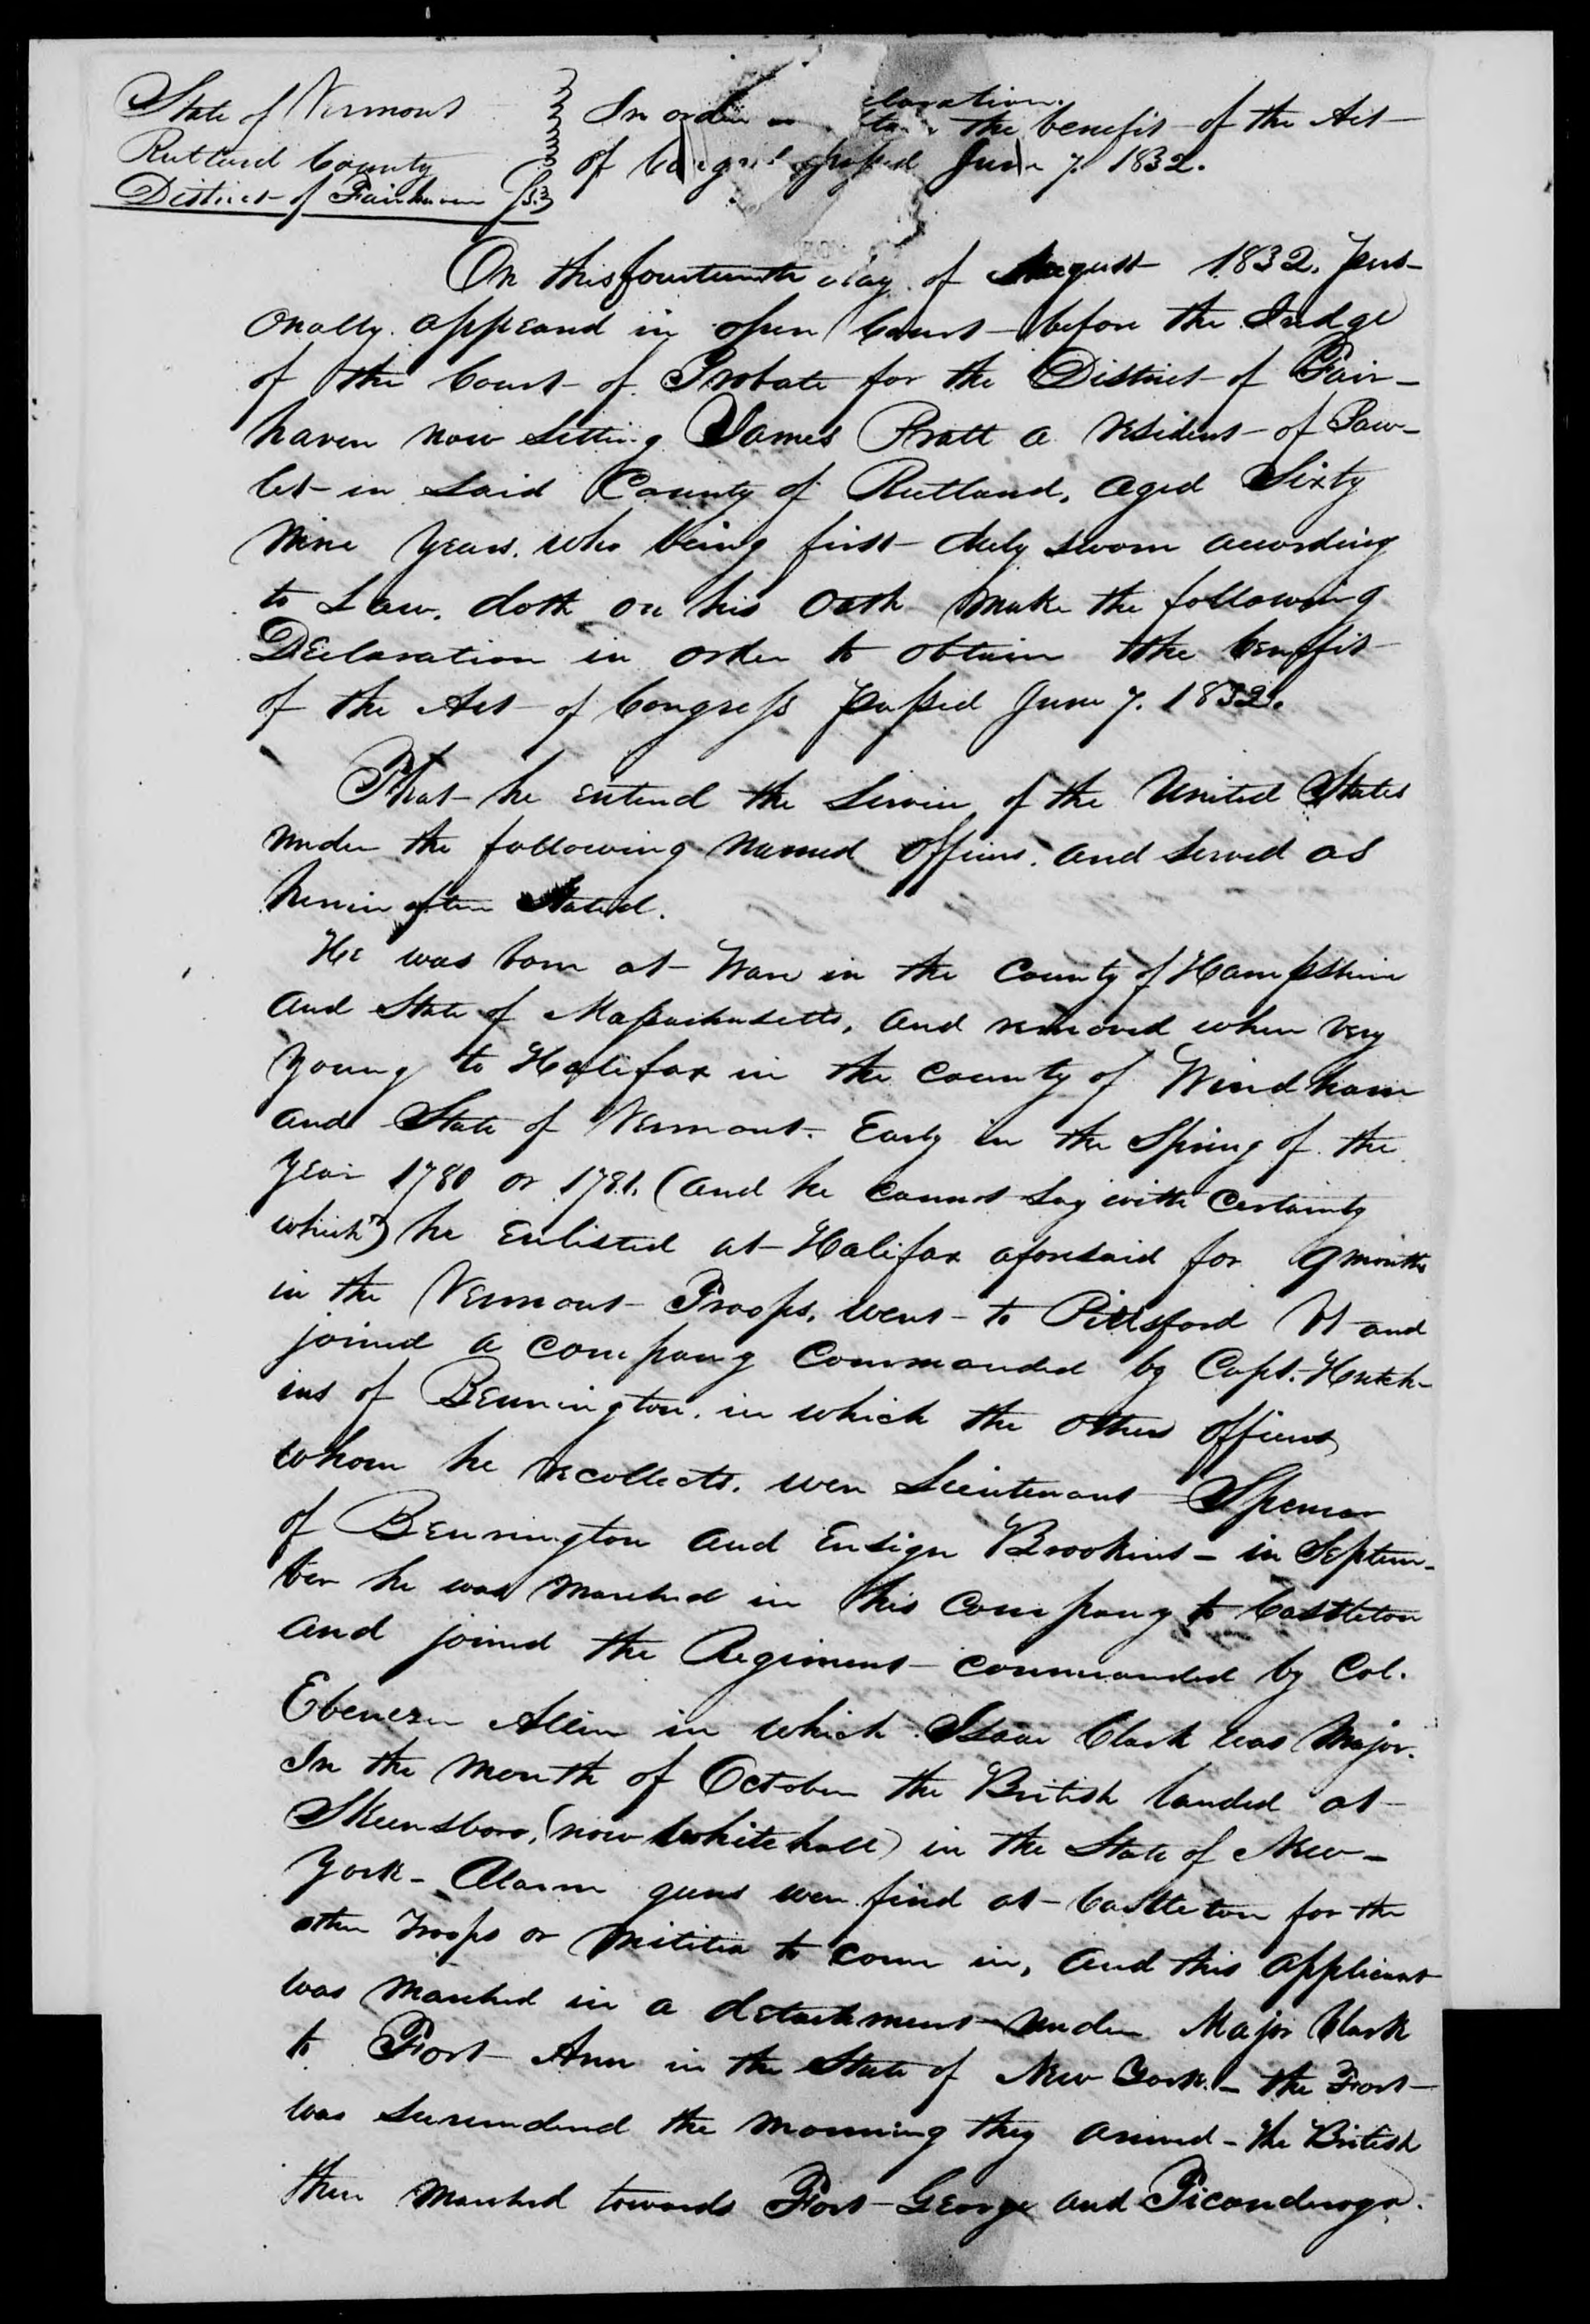State of Vermont
Rutland County
District of Fairhaven

In order to obtain the benefit
of the Act of Congress passed June 7, 1832. 

On this fourteenth day of August 1832 personally
 appeared in open Court before the Judge
of the Court of Probate for the District of Fairhaven
 now sitting James Pratt a resident of Pawlet in said
County of Rutland, aged Sixty nine years who being
first duly sworn according to Law doth on his oath make the following
Declaration in order to obtain the benefit
of the Act of Congress passed June 7, 1832. 
That he entered the service of the United States
under the following named officers, and served as
herein stated.
He was born at Ware in the County of Hampshire
and State of Massachusetts, and removed when very
Young to Halifax in the County of Windham
and State of Vermont. Early in the Spring of the
year 1780 or 1781, (and he cannot say with certainty
which) he enlisted at Halifax aforesaid for 9 months
in the Vermont Troops, went to Pittsford, Vt. and
joined a company commanded by Capt. Hutchins
 of Bennington, in which the other officers
whom he recollects were Lieutenant Spencer
Bennington and Ensign Brookins - In September
 he was marched in this company to Castleton  
 and joined the Regiment commanded by Col
Ebenezer Allen in which Isaac Clark was Major.
In the month of October the British landed at
Skeensboro, (now Whitehall) in the State of New York
Alarm Guns were fired at Castleton for the
other troops or militia to come in, and this applicant
was marched in a detachment under Major Clark
To Fort Ann in the State of New York - The Fort
was surrendered the morning they arrived. - The British
then marched towards Fort George and Ticonderoga.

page: 4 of 29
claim: survivor's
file: S. 14,222, for James Pratt, Vermont